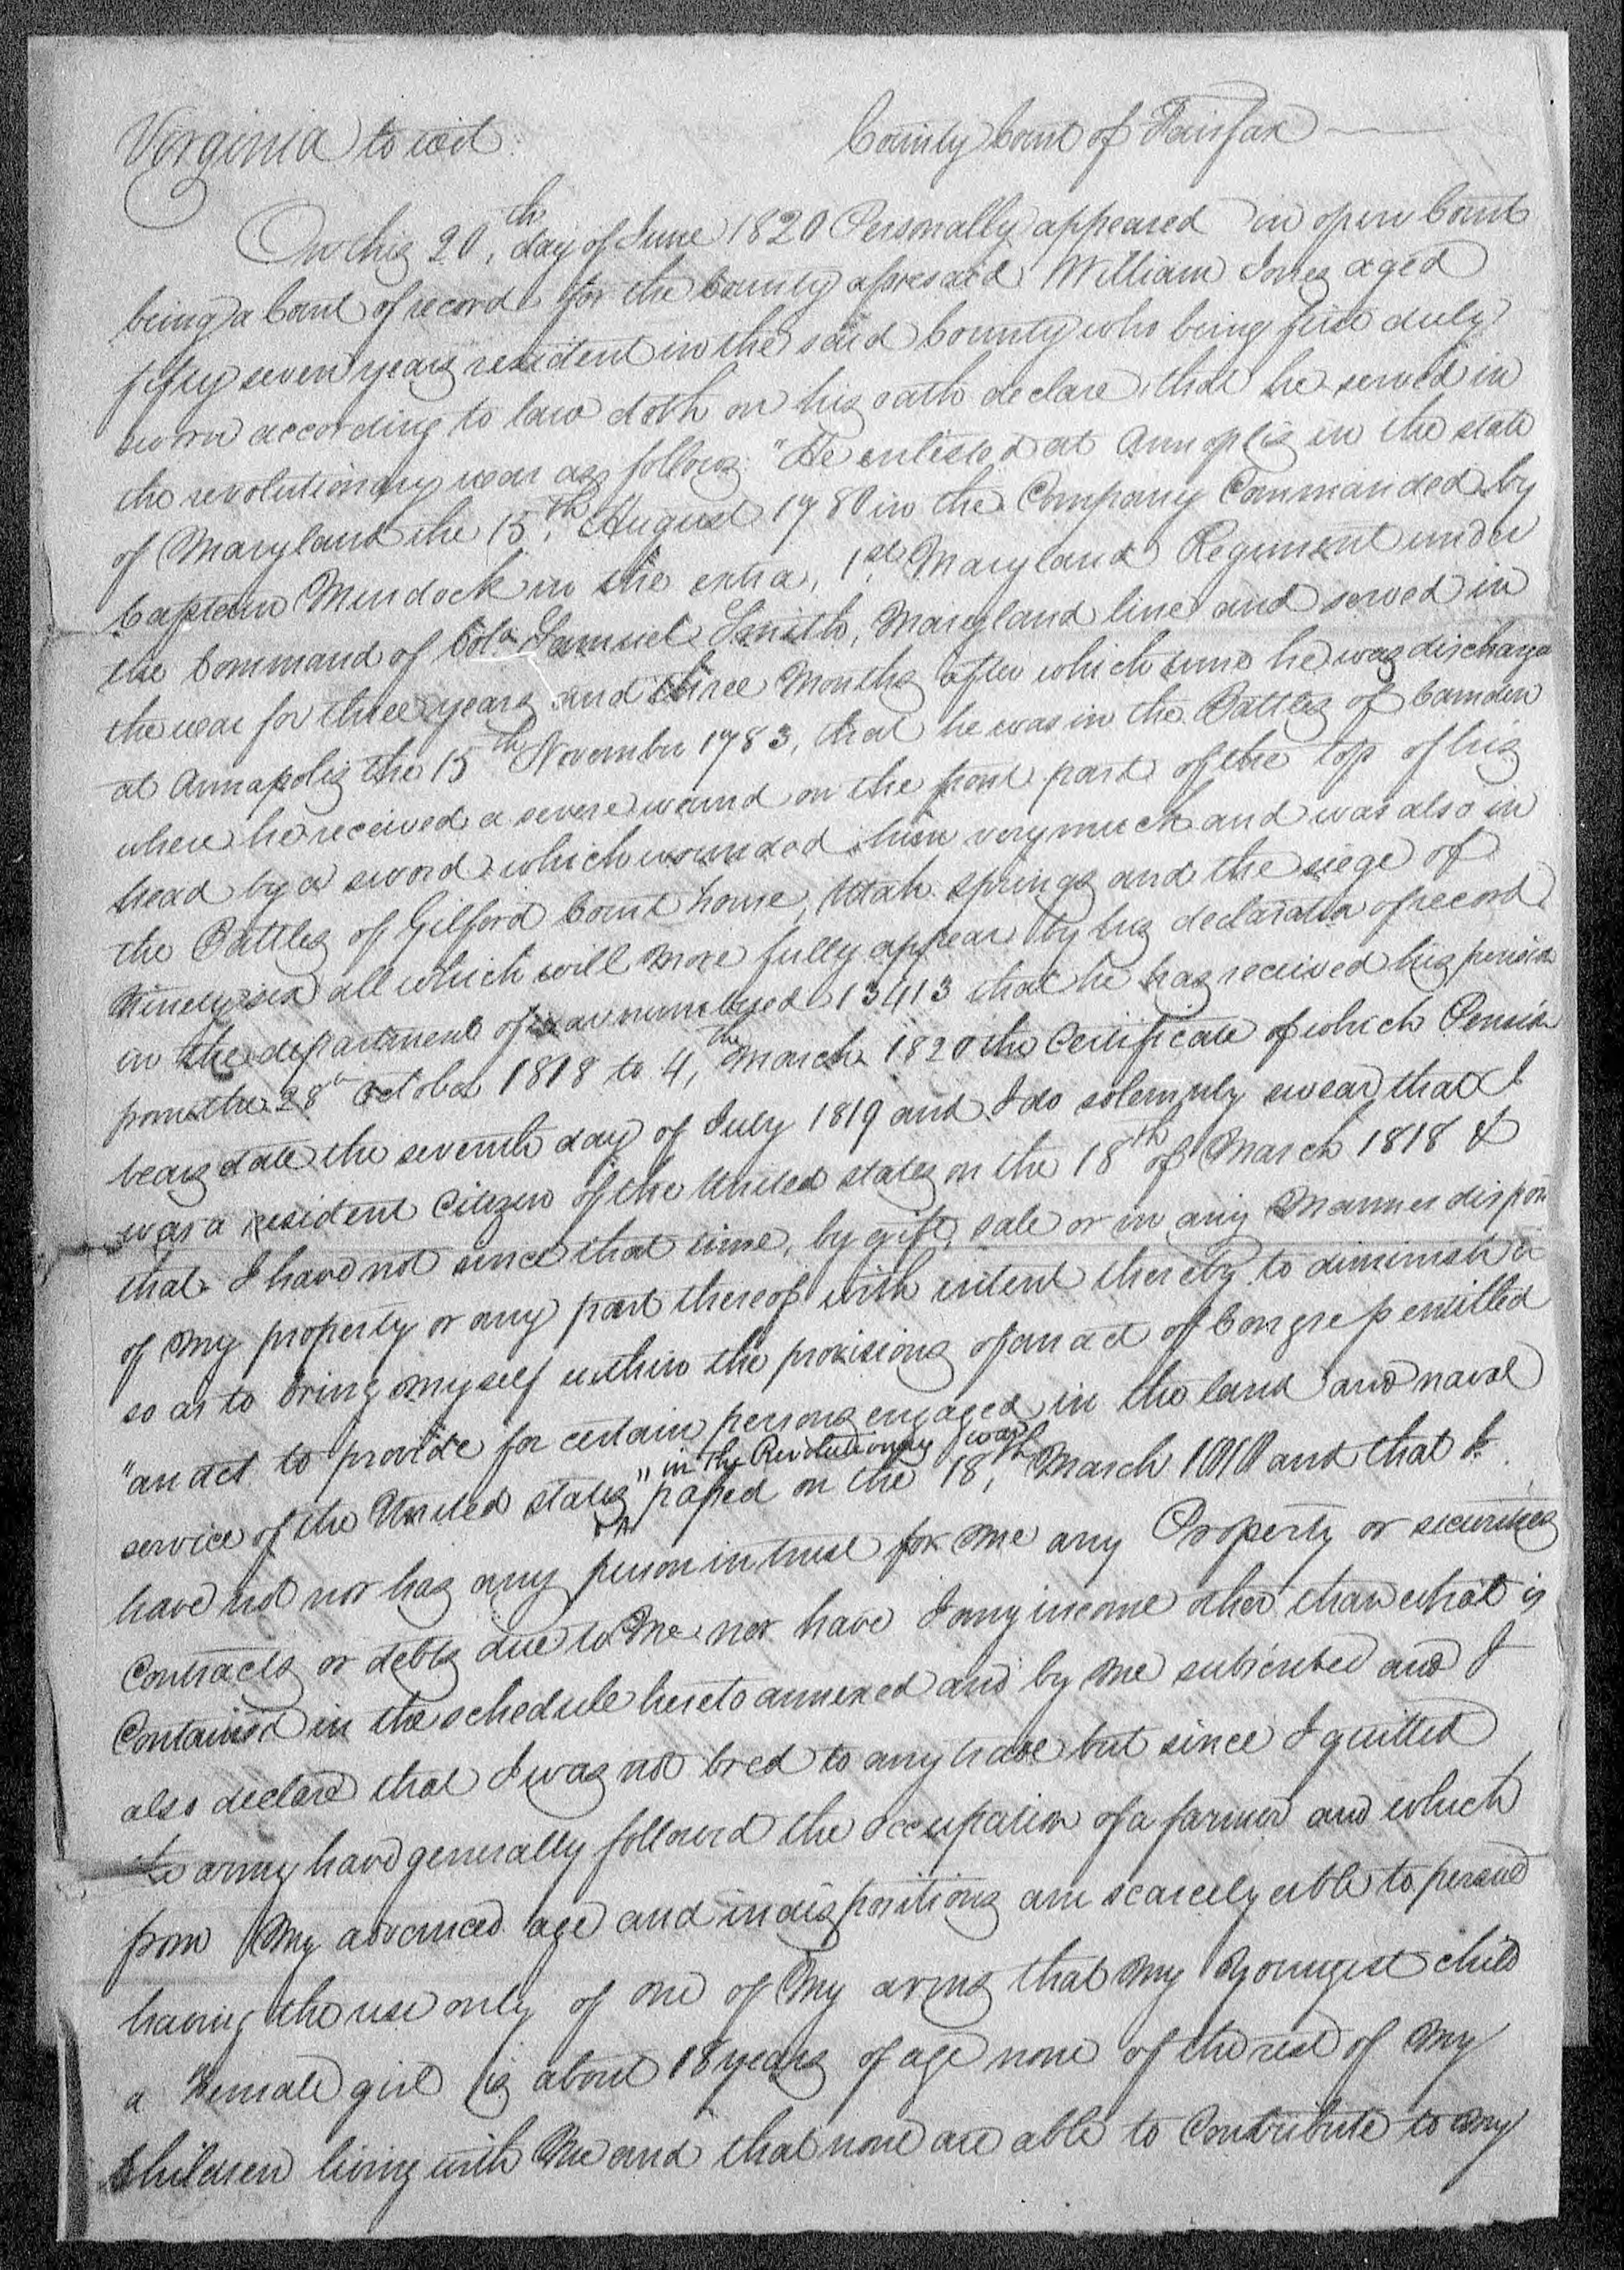Virginia to wit County Court of Fairfax
On this 20th day of June 1820 Personally appeared in open Court being a court of record
for the County aforesaid William Jones aged fifty seven years resident in the said County who being first duly sworn according to law doth on his oath declare, that he served in the
revolutionary war as follows: “He enlisted at Annapolis in the state of Maryland the 15th
August 1780 in the Company Commanded by Captain Murdock in the extra, 1st Maryland Regiment under the Command of Colo. Samuel Smith, Maryland line and served in the war for three years and three months after which time he was discharged at Annapolis the 15th
November 1783, that he was in the Battles of Camden where he received a severe wound in the front part of the top of his head by a sword which wounded him very much and was also in the Battles of Gilford Court house, Utah springs and the siege of Ninety six all which will more fully appear by his declaration of record in the department of war numbered 13413 that he has received his pension from the 28th October 1818 to 4 March 1820 the Certificate of which Pension bears date the seventh day of July 1819 and I do solemnly swear that I was a resident citizen of the United states on the 18th
of March 1818 & that I have not since that time, by gift, sale or in any manner disposed of my property or any part thereof with intent thereby to diminish it so as to bring myself within the provisions of an act of Congress entitled “an act to provide for certain persons engaged in the land and naval service of the United states in the Revolutionary war" passed on the 18th
March 1818 and that I have not nor has any person in trust for me any Property or securities contracts or debts due to me nor have I any income other than what is Contained in the schedule hereto annexed and by me subscribed and I also declare that I was not bred to have any trade but since I quitted the army have generally followed the occupation of a farmer and which from my advanced age and indispositions am scarcely able to pursue
having the use only of one of my arms that my youngest child a Female girl is about 18 years of
age none of the rest of my children living with me and that none are able to contribute to my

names: William Jones; Samuel Smith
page: 19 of 39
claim: widow's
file: W 6292, for William Jones, Maryland